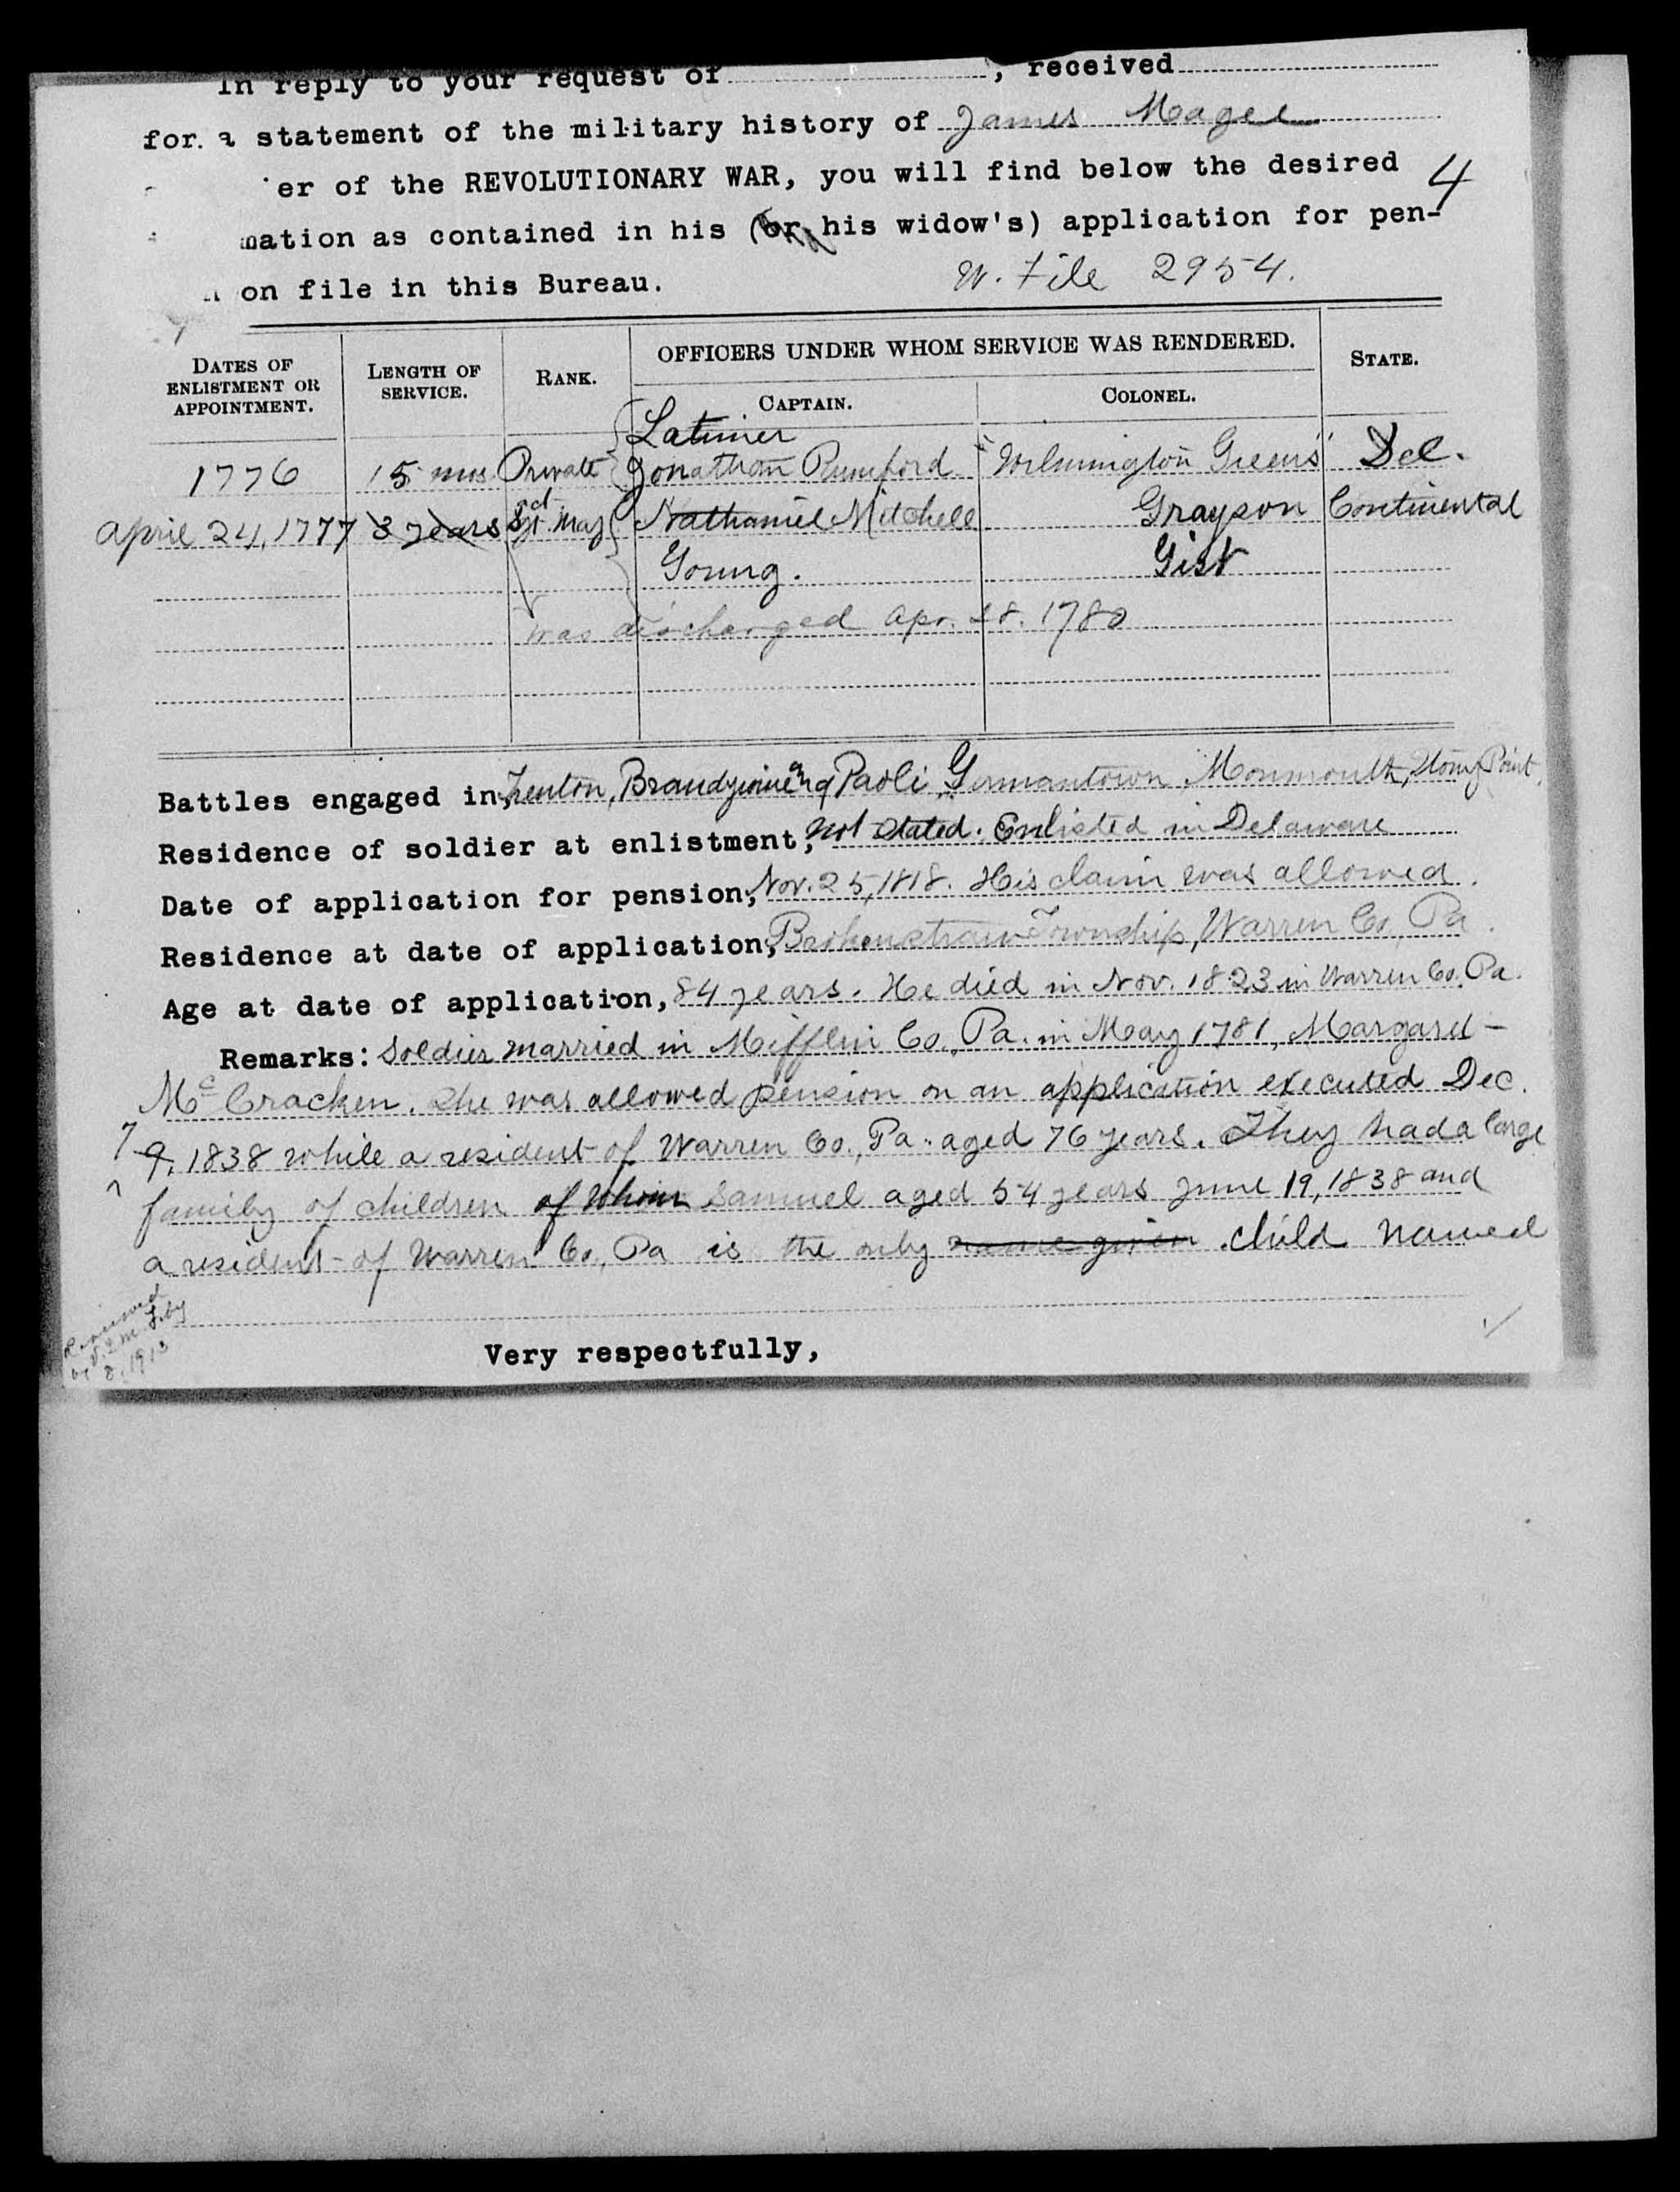(government form and schedule)

reply to your request of ...., received.............
for a statement of the military history of... James Magee....soldier of the REVOLUTIONARY WAR, you will find below the desired information as contained in his (or his widow's) (note or is crossed out) application for pension
on file in this Bureau.

W. File 2954.

DATES OF ENLISTMENT OR APPOINTMENT.
1776
April 24, 1777

LENGTH OF SERVICE.
15 Mos
3 years (crossed out and arrow noted to)
was discharged april 28, 1780

RANK.
Private (note under Latimer & Rumford)
Act. Sgt Maj ( note under Mitchel & Young)


OFFICERS UNDER WHOM SERVICE WAS RENDERED.

CAPTAIN.
Latimer
Jonathan Rumford " Wilimington Greens
Nathaniel Mitchell
Young

COLONEL.
Wilmington Greens
Grayson
Gist

STATE.
Del.
Continental


Battles engaged in...Trenton, Brandywine and 
     Paoli Germantown Monmouth Stony Point

Residence of soldier at enlistment,.... not stated 
     Enlisted in Delaware

Date of application for pension, ....Nov. 25, 1818. 
     His claim was allowed

Residence at date of application....., Berkenstrain 
     Township, Warren Co. Pa

Age at date of application, 84 years. He died in 
     Nov. 1823 in Warren Co. Pa,

Remarks:..... Soldier Married in Mifflin Co. Pa. in May 1781, Margaret McCracken, She was allowed pension on an application executed Dec
7 (9 crossed out) 1838 while a resident of Warren Co. Pa. aged 76 years. They had a large
family of children of whom Samuel aged 54 years June 19, 1838 and a resident of Warren Co. Pa. is the only child (named given - crossed out) named

Very respectfully,


(note on Left lower corner)
Reissued by V.L.M. Liby
D. 1913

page: 73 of 77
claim: widow's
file: W 2954, for James Mc Gee, Delaware